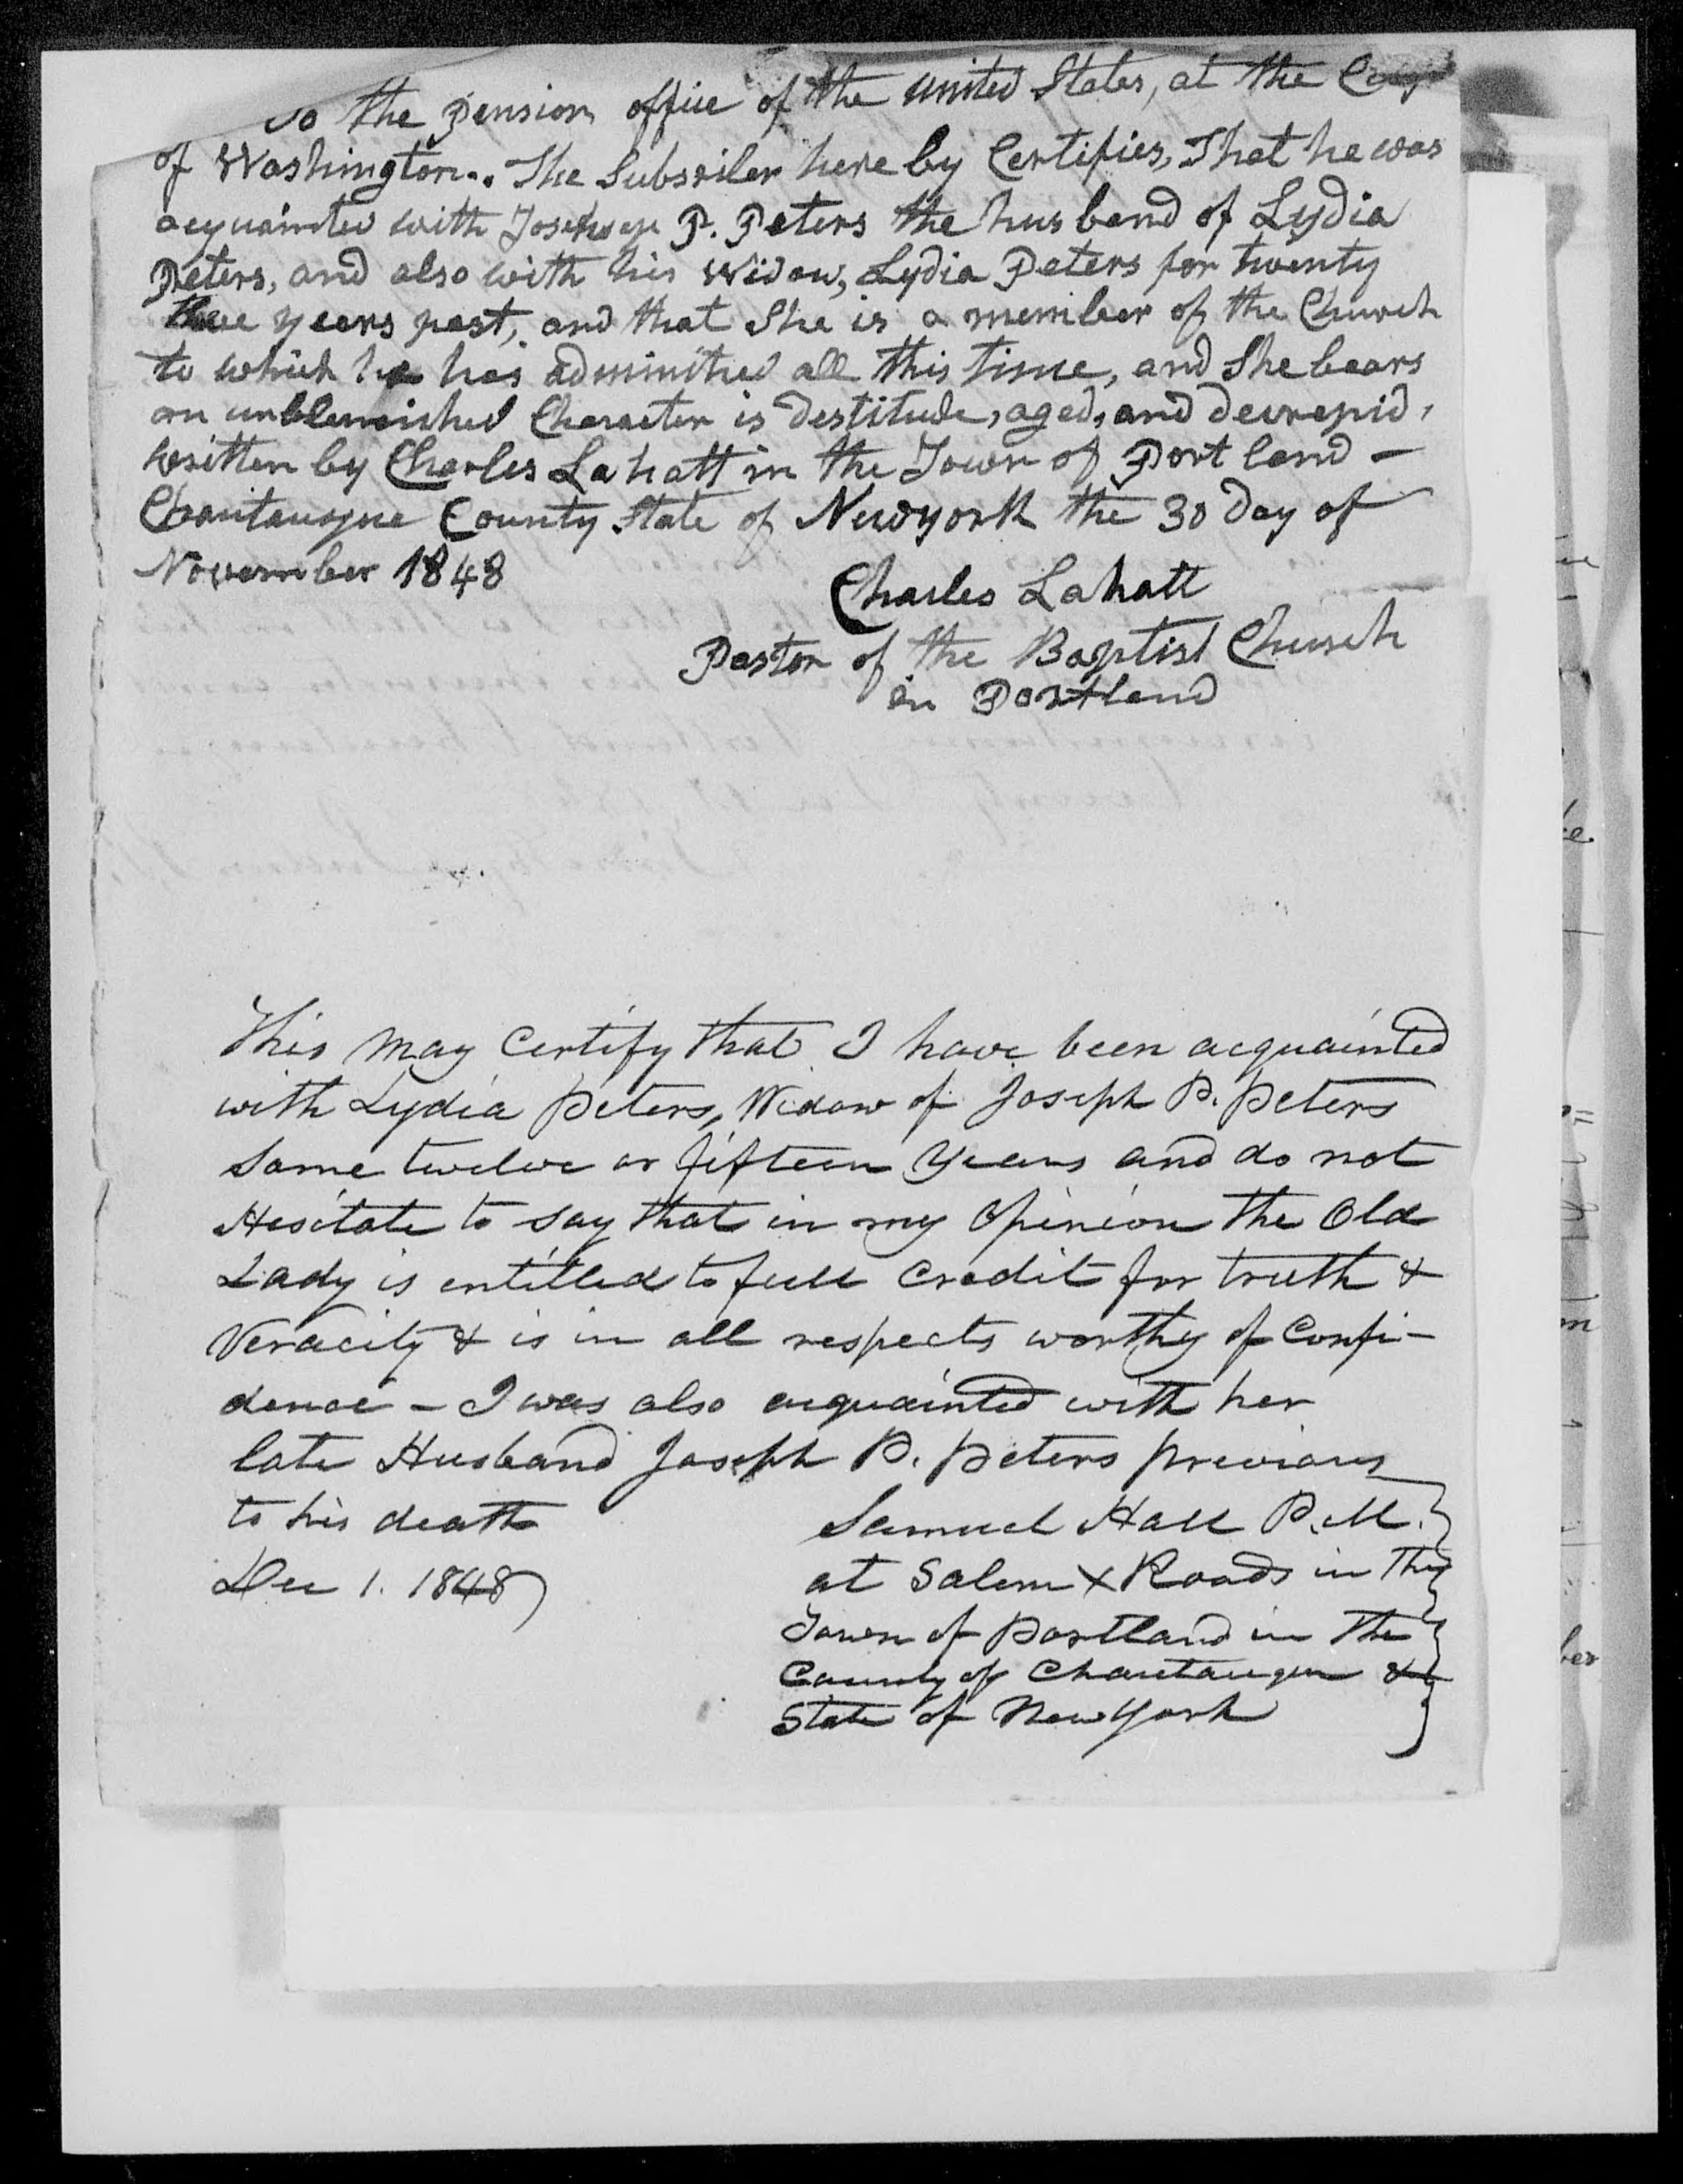To the pension office of the United States, at the [unreadable] of Washington. The subscriber hereby certifies, That he was acquainted with Joseph P. Peters the husband of Lydia Peters, and also with his widow, Lydia Peters for twenty three years past, and that she is a member of the Church to which he has administered all this time, and she bears on unblemished character is destitute, aged, and decrepid. 
written by Charles Lahatt in the Town of Portland Chautauqua County State of New York the 30 day of November 1848 
Charles Lahatt Pastor of the Baptist Church in Portland 
This may certify that I have been acquainted with Lydia Peters, Widow of Joseph P. Peters some twelve or fifteen years and do not hesitate to say that in my opinion the old Lady is entitled to full credit for truth & Veracity & is in all respect worthy of confidence - I was also acquainted with her late Husband Joseph P. Peters previous to his death. 
Dec 1 1848
Samuel Hall P. M. at Salem X Roads in the Town of Portland in the County of Chautauqau & State of New York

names: Samuel Hall; Charles Lahatt; Lydia Peters; Joseph P Peters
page: 60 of 73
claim: widow's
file: W. 2338, for Joseph P Peters, Connecticut